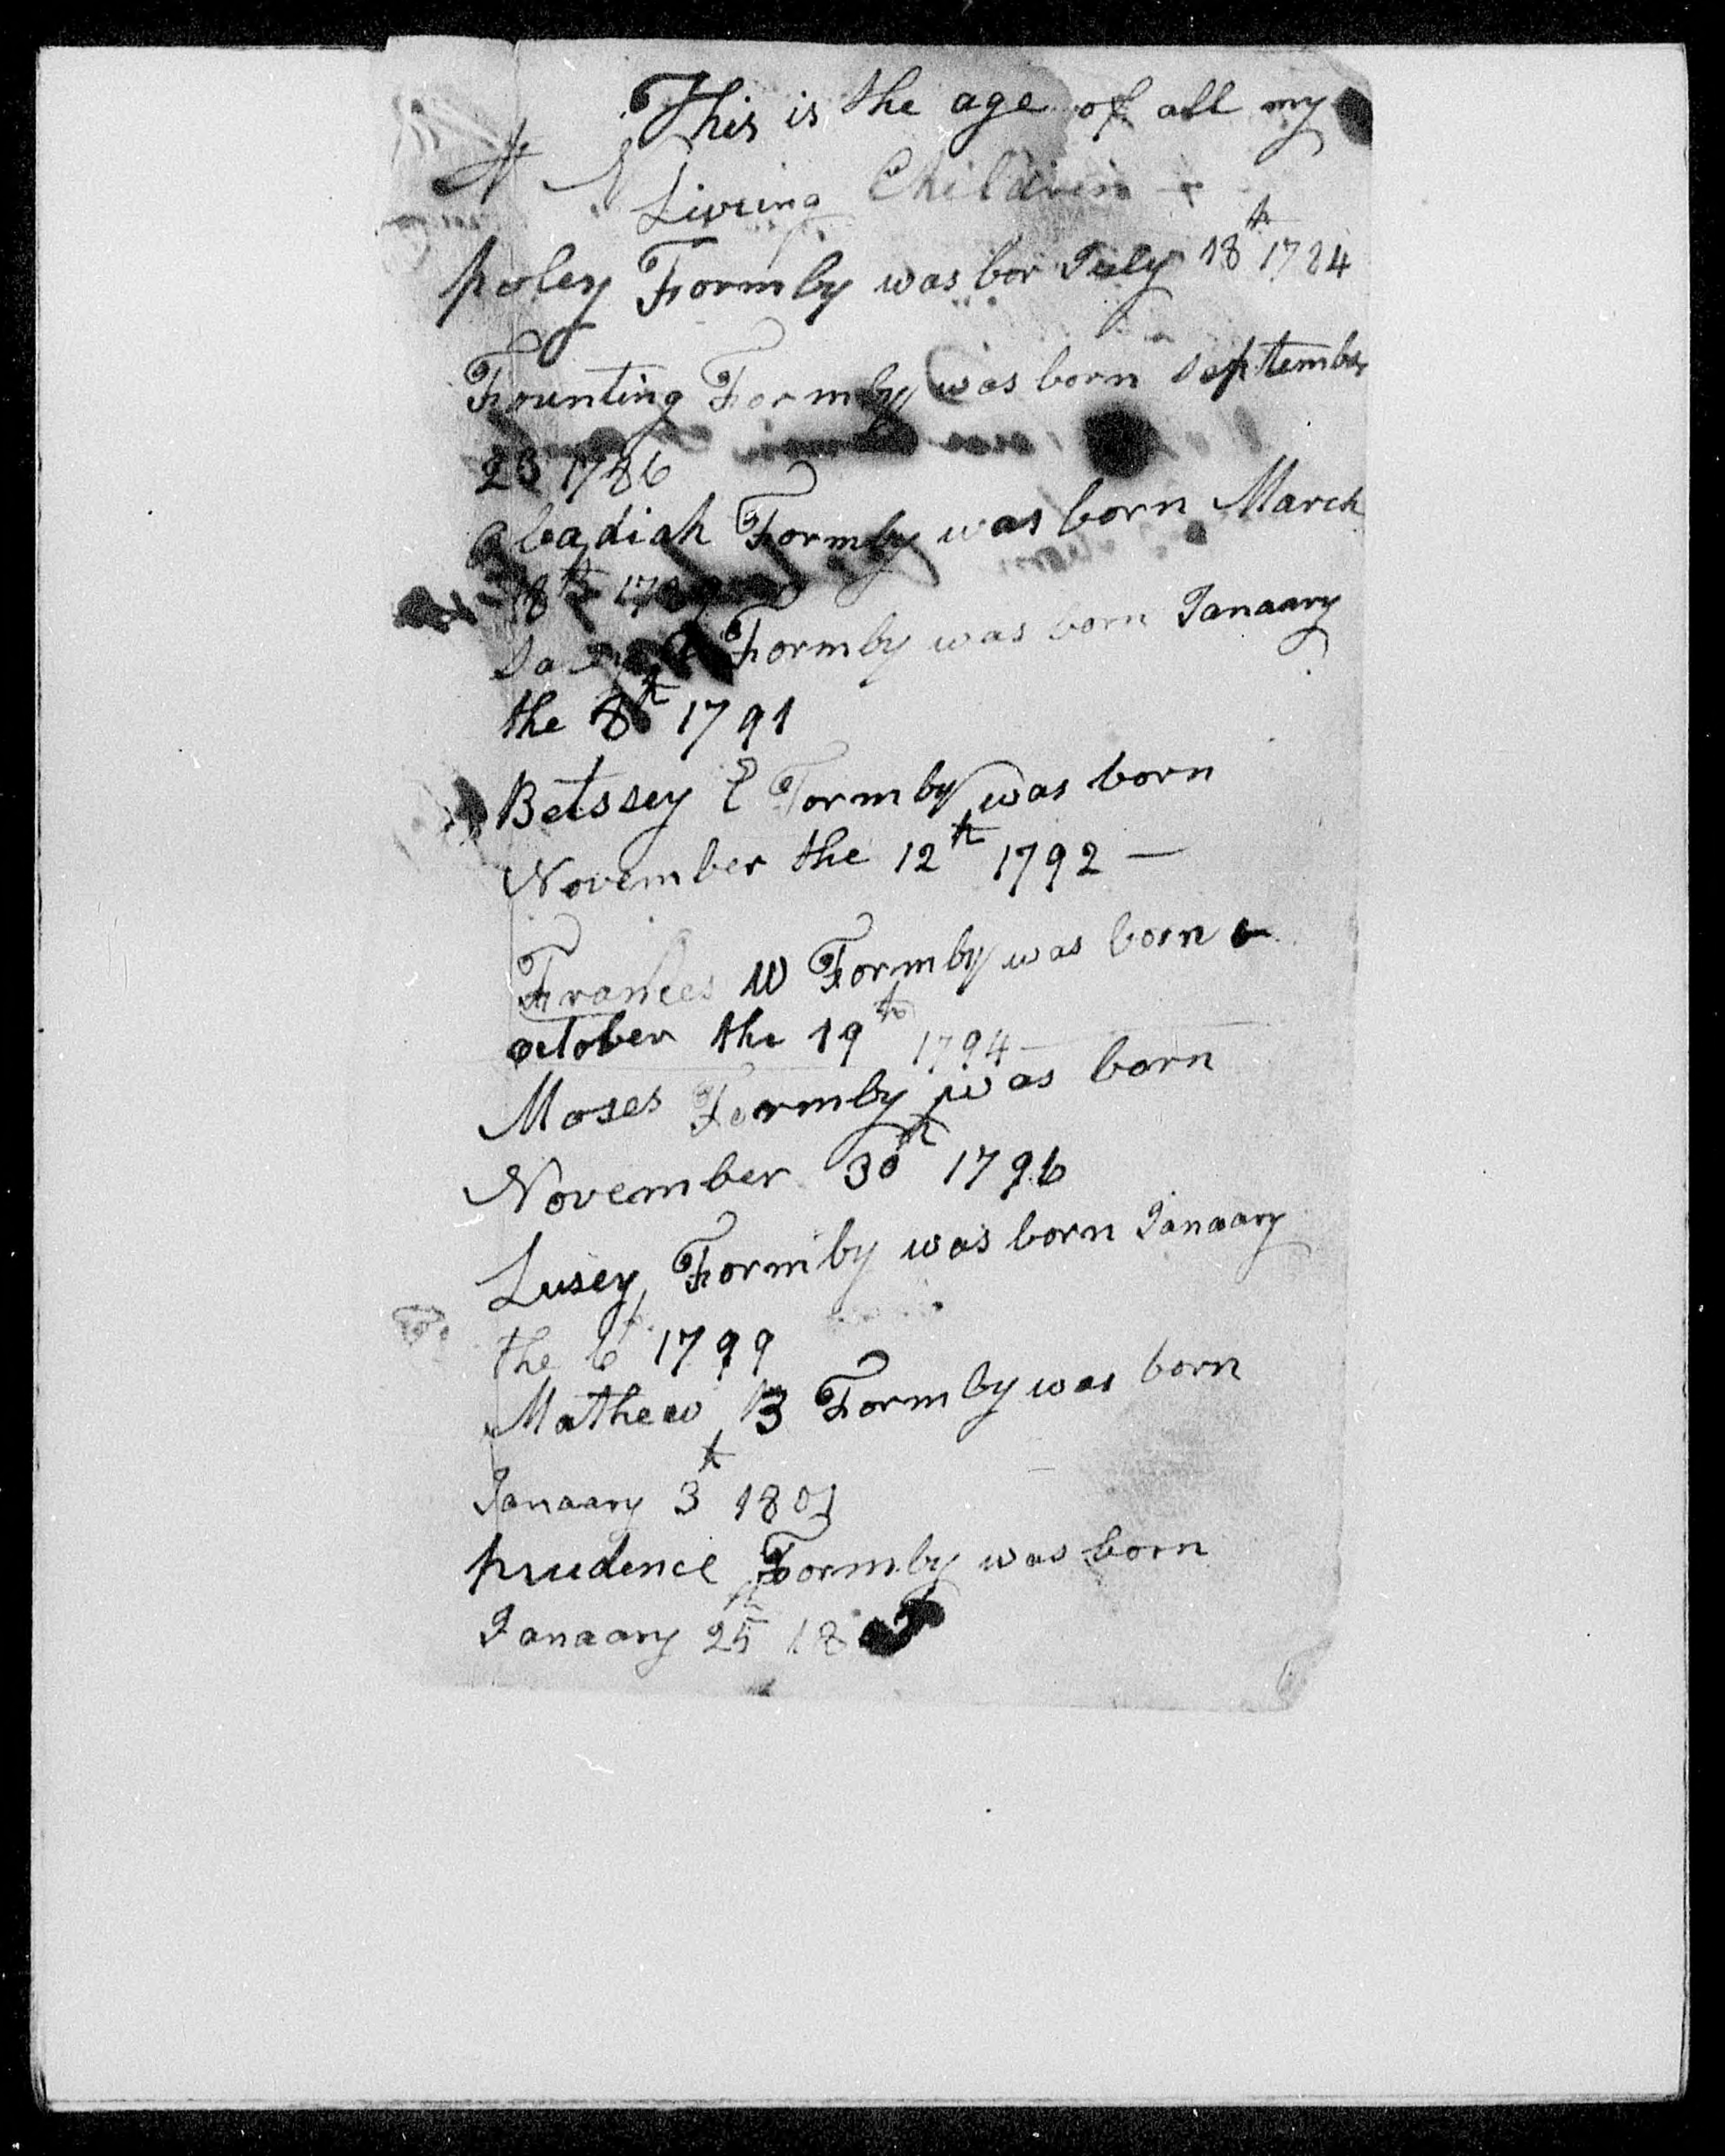This is the age of all my Living Children
poley Formby was bor July 18th 1784
Founting Formby was born September 23 1786
Obadiah Formby was born March 18th 17[illegible]
Sa[illegible] Formby was born January 8th 1791
Betssey [illegible] Formby was born November the 12th 1792 -
Frances W Formby was born October the 19th 1794 -
Moses Formby was born November 30th 1796
Susey Formby was born January the 6th 1799
Mathew B Formby was born January 3rd 1801
Prudence Formby was born January 25th 18[illegible]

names: Prudence Formby, Moses Formby, Founting Formby, Mathew B Formby, Lusey Formby, Betsey Formby, Frames W Formby, Poley Formby, Obadiah Formby, Tabitha Formby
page: 17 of 54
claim: widow's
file: W. 3794, Nathan Formby, Va.